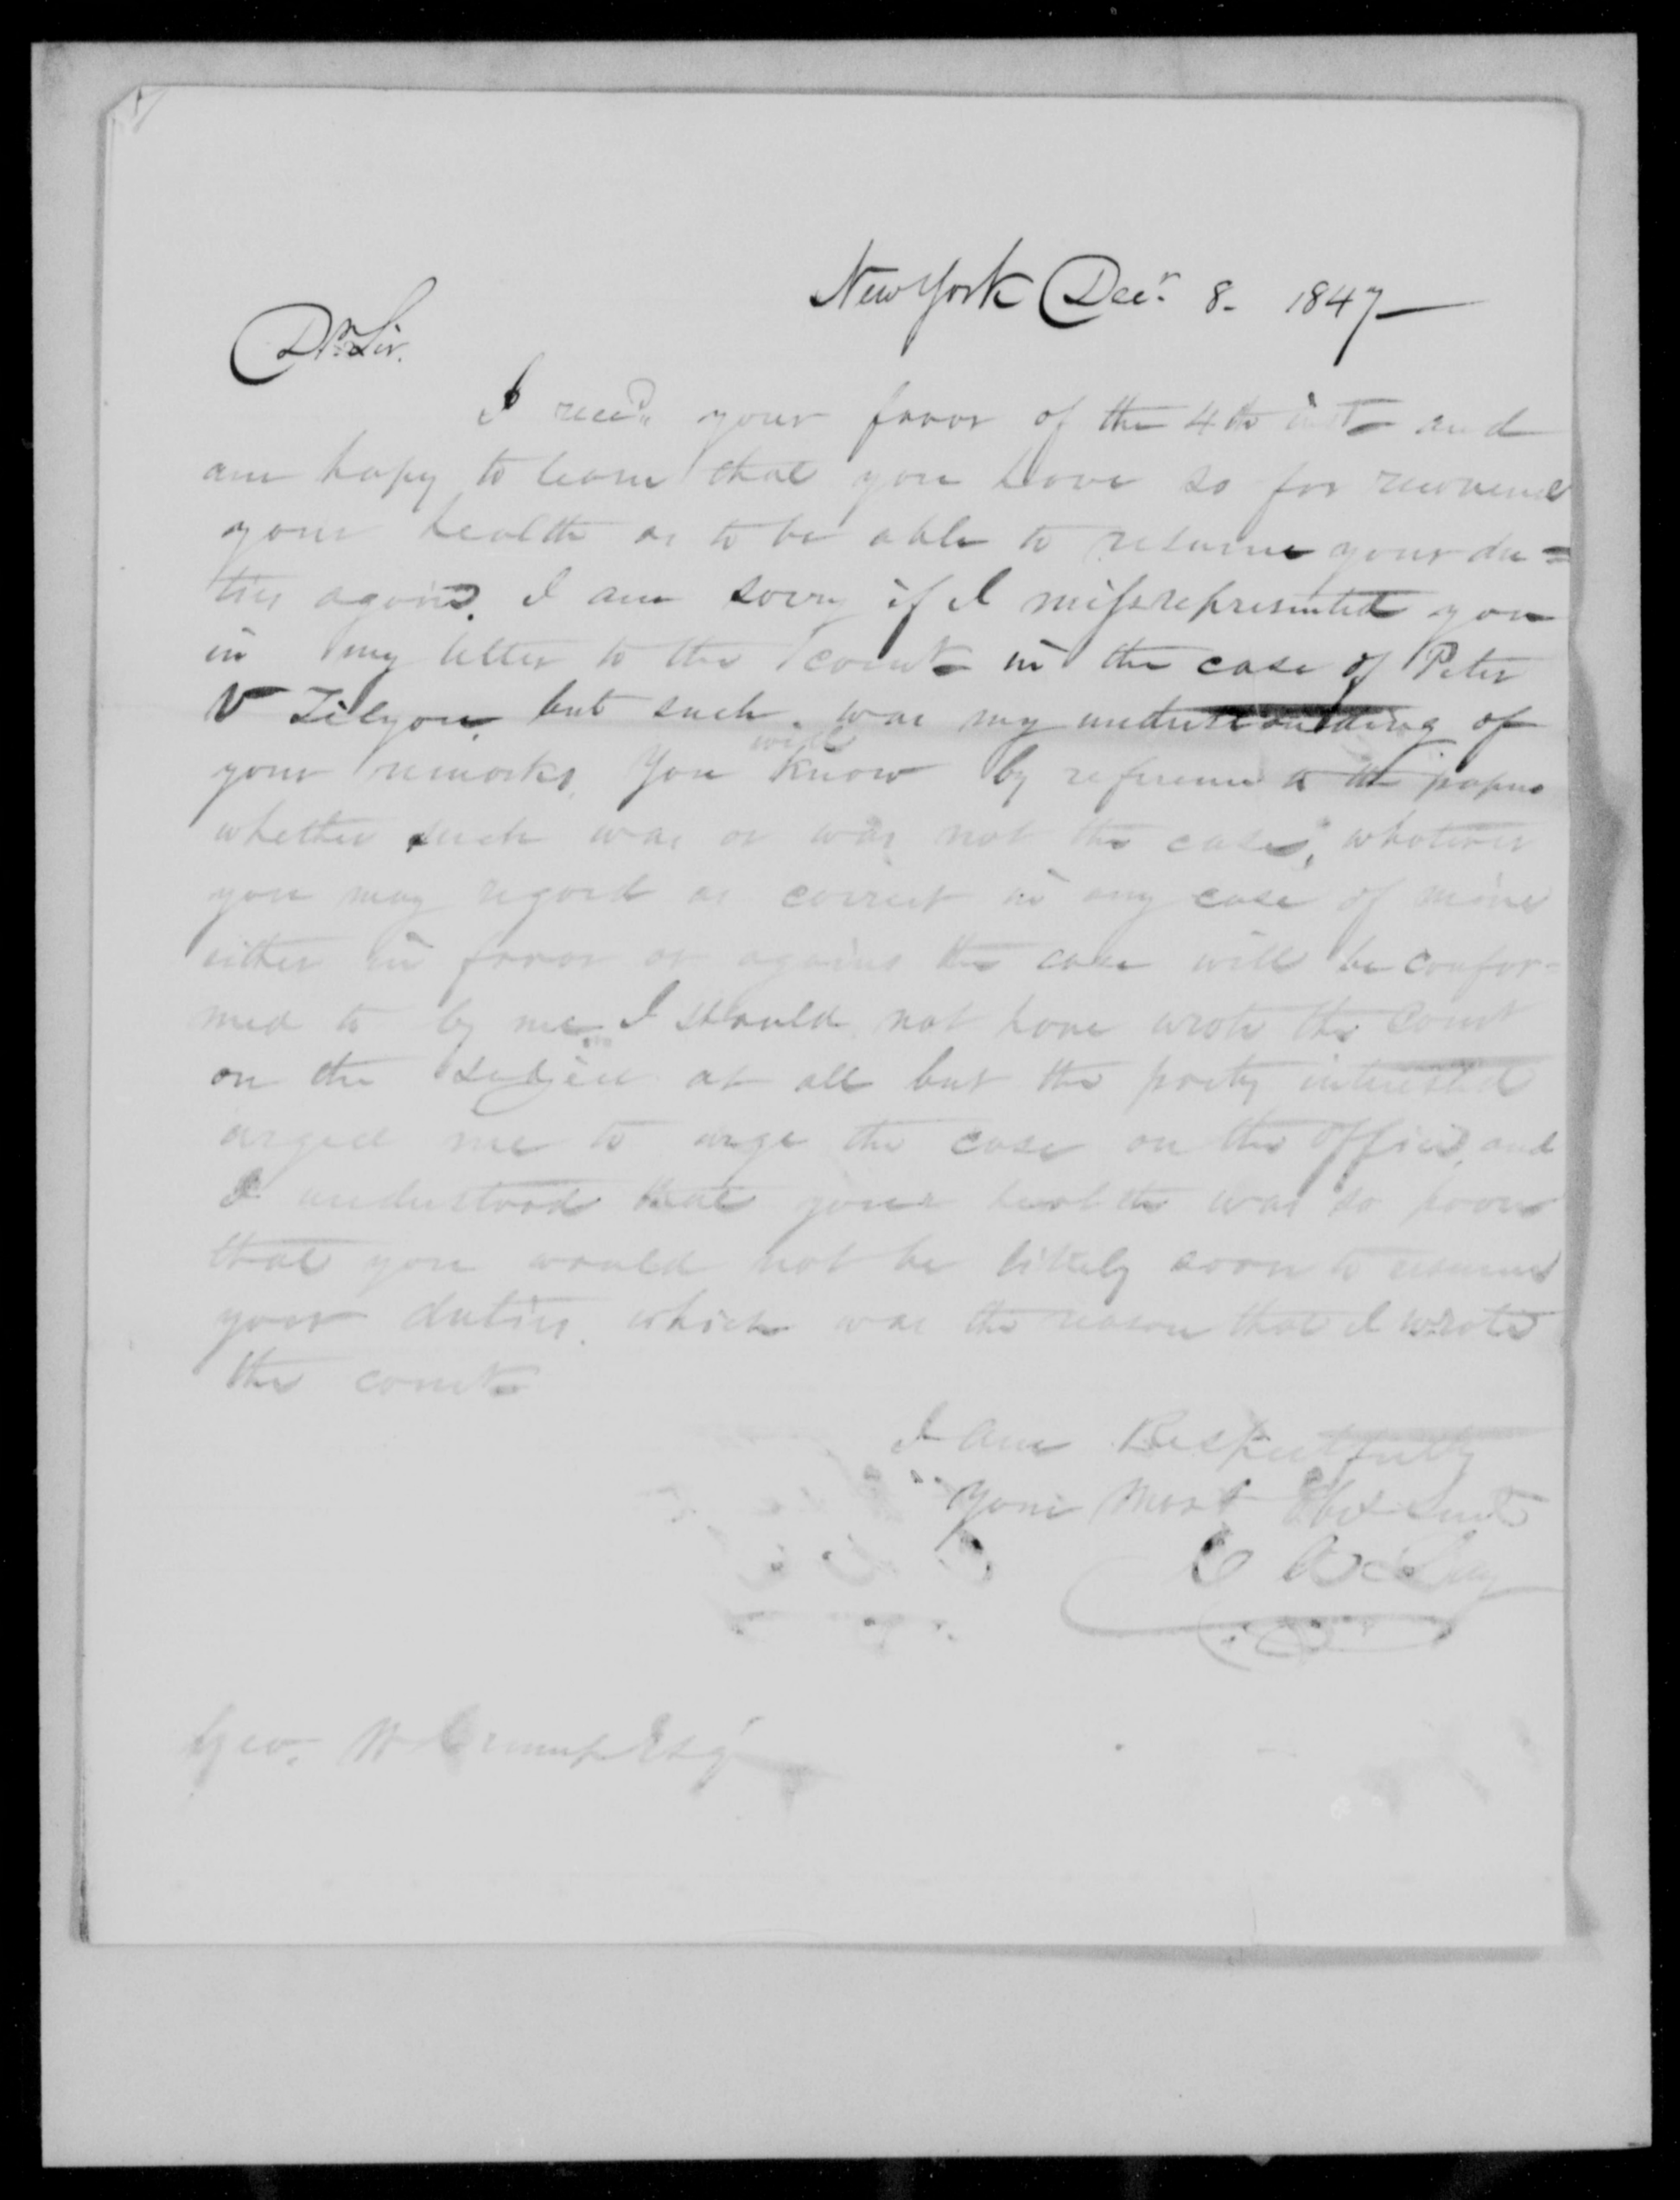Dr Sir
New York Decr 8, 1847-
I recd your favor of the 4th into and
am hapy to learn that you have so far [illegible]
your health as to be able to resume your
this again, I am sorry if I missrepresented you
in my letter to the court in the case of Peter
V Tilyou but such was my understanding of
your remarks you know by reference to the papers
whether such was or was not the case, whatever
you may report as correct to my case of mine
either in favor or against the case will be [illegible] to by me. I should not have wrote the court
on the subject at all but the party interest
aged me to age the case on the office, and 
I understood that your health was so from 
that you would not be likely soon to assume 
your duties which was the reason that it wrote 
the court

Geo W Crump Esq
and Respectfully
your most Obdt Svt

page: 92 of 101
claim: widow's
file: W. 25481, for Peter V Tilyou, New Jersey